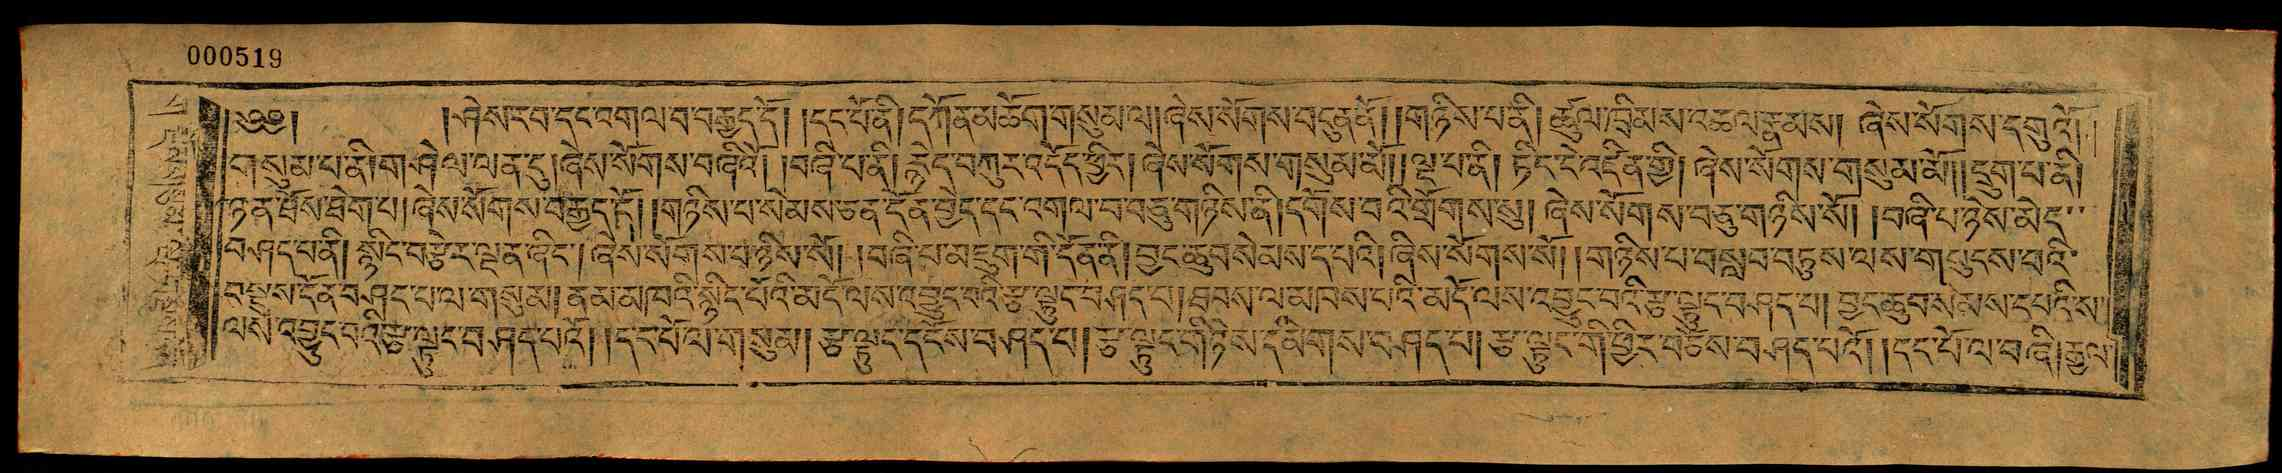༄༅། །ཤེས་རབ་དང་འགལ་བ་བརྒྱད་དོ། །དང་པོ་ནི། དཀོན་མཆོག་གསུམ་ལ། ཞེས་སོགས་བདུན་ནོ། །གཉིས་པ་ནི། ཚུལ་ཁྲིམས་འཆལ་རྣམས། ཞེས་སོགས་དགུའོ། །
གསུམ་པ་ནི། གཤེ་ལ་ལན་དུ། ཞེས་སོགས་བཞིའོ། །བཞི་པ་ནི། རྙེད་བཀུར་འདོད་ཕྱིར། ཞེས་སོགས་གསུམ་མོ། །ལྔ་པ་ནི། ཏིང་ངེ་འཛིན་གྱི། ཞེས་སོགས་གསུམ་མོ། །དྲུག་པ་ནི།
ཉན་ཐོས་ཐེག་པ། ཞེས་སོགས་བརྒྱད་དོ། །གཉིས་པ་སེམས་ཅན་དོན་བྱེད་དང་འགལ་བ་བཅུ་གཉིས་ནི། དགོས་པའི་གྲོགས་སུ། ཞེས་སོགས་བཅུ་གཉིས་སོ། །བཞི་པ་ཉེས་མེད་
བཤད་པ་ནི། སྙིང་བརྩེར་ལྡན་ཞིང་། ཞེས་སོགས་གཉིས་སོ། །བཞི་པ་མཇུག་གི་དོན་ནི། བྱང་ཆུབ་སེམས་དཔའི། ཞེས་སོགས་སོ། །གཉིས་པ་བསླབ་བཏུས་ལས་གསུངས་པའི་
བསྡུས་དོན་བཤད་པ་ལ་གསུམ། ནམ་མཁའི་སྙིང་པོའི་མདོ་ལས་འབྱུང་བའི་རྩ་ལྟུང་བཤད་པ། ཐབས་ལ་མཁས་པའི་མདོ་ལས་འབྱུང་བའི་རྩ་ལྟུང་བཤད་པ། བྱང་ཆུབ་སེམས་དཔའི་ས་
ལས་འབྱུང་བའི་རྩ་ལྟུང་བཤད་པའོ། །དང་པོ་ལ་གསུམ། རྩ་ལྟུང་དངོས་བཤད་པ། རྩ་ལྟུང་གི་ཉེས་དམིགས་བཤད་པ། རྩ་ལྟུང་གི་ཕྱིར་བཅོས་བཤད་པའོ། །དང་པོ་ལ་བཞི། རྒྱལ་